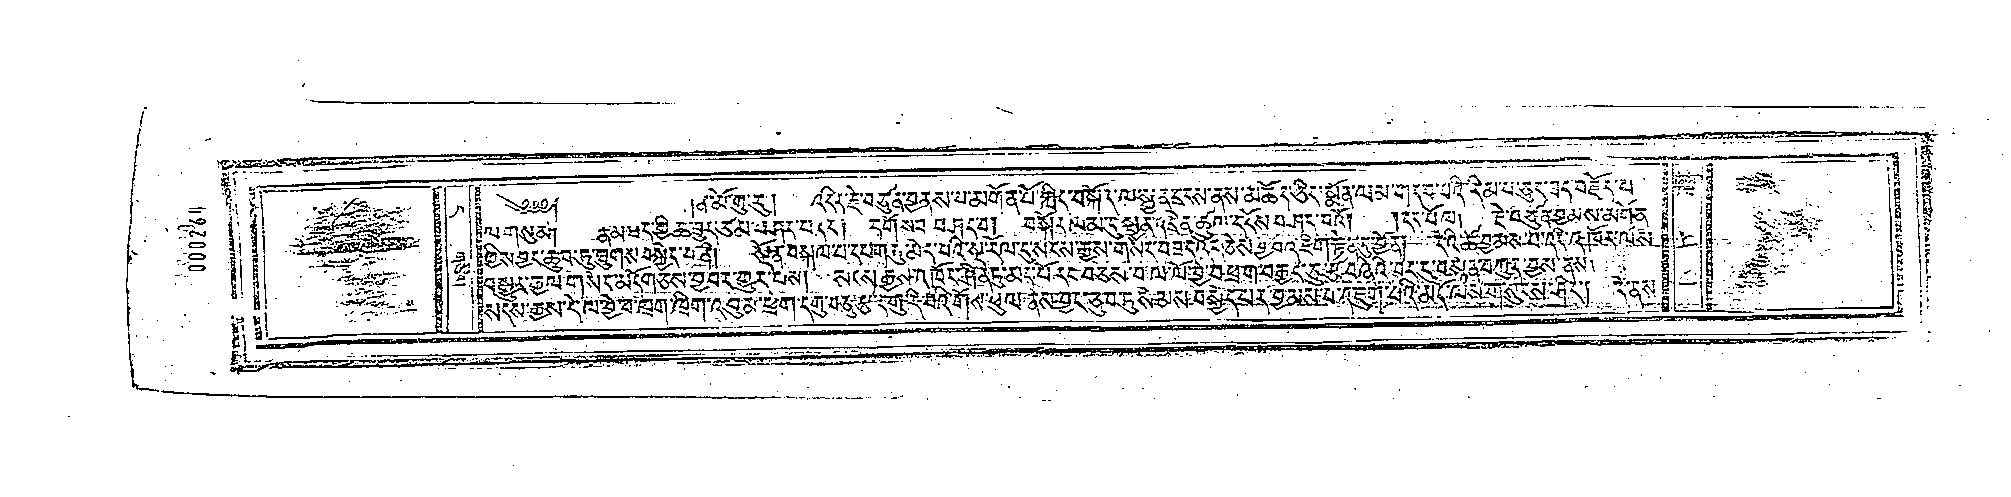༄༅༅། །ན་མོ་གུ་རུ། འདིར་རྗེ་བཙུན་བྱ་ནས་པ་མགོན་པོ་གླིང་བསྐོར་ལ་སྤྱན་དྲངས་ནས་མཆོད་ཅིང་སྨོན་ལམ་གདབ་པའི་རིམ་པ་ཅུང་ཟད་བརྗོད་པ་
ལ་གསུམ། རྣམ་ཐར་གྱི་ཆ་ཟུར་ཙམ་བཤད་པ་དང་། དགོས་པ་བཤད་བ། བསྐོར་ལམ་དུ་སྦྱན་འདྲེན་ཚུལ་དངོས་བཤད་པའོ། །དང་པོ་ལ། རྗེ་བཙུན་བྱམས་མགོན་
གྱིས་བྱང་ཆུབ་ཏུ་ཐུགས་བསྐྱེད་པ་ནི། སྔོན་བསྐལ་པ་དཔག་ཏུ་མེད་པའི་སྔ་རོལ་དུ་སངས་རྒྱས་གསེར་བཟད་འོད་ཅེས་བྱ་བ་འཇིག་རྟན་དུ་བྱོན། དེའི་ཚེ་བྱམས་པ་འདི་འཁོར་ལོས་
བསྒྱུར་རྒྱལ་གསེར་མདོག་ཅེས་བྱ་བར་གྱུར་པས། སངས་རྒྱས་འཁོར་ཤིན་ཏུ་མང་པོ་དང་བཅས་བ་ལ་ལོ་བྱེ་བ་ཕྲག་བརྒྱད་ཅུ་རྩ་བཞིའི་བར་དུ་བསྙེན་བཀུར་བྱས་ནས།
སངས་རྒྱས་དེ་ལ་བྱེ་བ་ཁྲག་ཁྲིག་འབུམ་ཕྲག་དགུ་བཅུ་རྩ་དགུ་རི་བའི་གོས་ཕུལ་ནས་བྱང་ཆུབ་ཏུ་སེམས་བསྐྱེད་པར་བྱམས་པ་འཇུག་པའི་མདོ་ལས་གསུངས་ཤིང་། དེ་ནས་